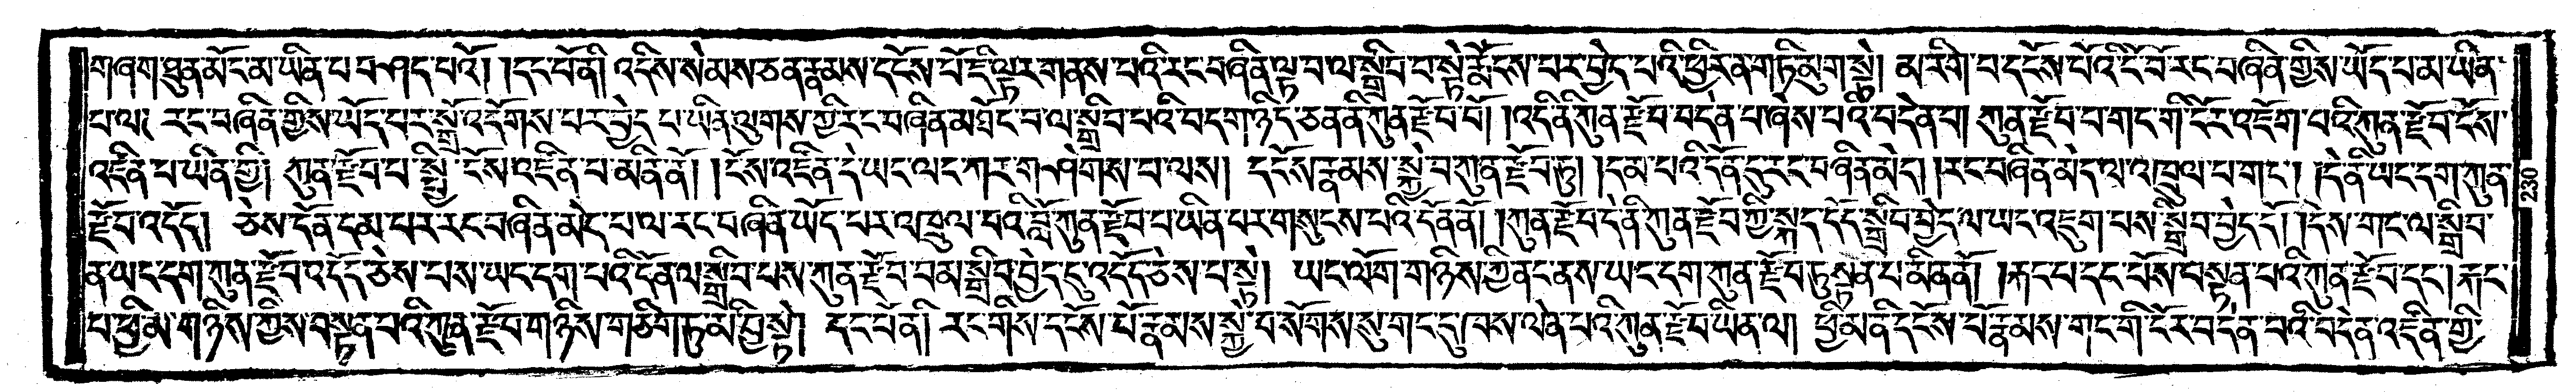གཞག་ཐུན་མོང་མ་ཡིན་པ་བཤད་པའོ། །དང་པོ་ནི། འདིས་སེམས་ཅན་རྣམས་དངོས་པོ་ཇི་ལྟར་གནས་པའི་རང་བཞིན་ལྟ་བ་ལ་སྒྲིབ་པ་སྟེ་རྨོངས་པར་བྱེད་པའི་ཕྱིར་ན་གཏི་མུག་སྟེ། མ་རིག་པ་དངོས་པོའི་ངོ་བོ་རང་བཞིན་གྱིས་ཡོད་པ་མ་ཡིན་
པ་ལ། རང་བཞིན་གྱིས་ཡོད་པར་སྒྲོ་འདོགས་པར་བྱེད་པ་ཡིན་ལུགས་ཀྱི་རང་བཞིན་མཐོང་བ་ལ་སྒྲིབ་པའི་བདག་ཉིད་ཅན་ནི་ཀུན་རྫོབ་བོ། །འདི་ནི་ཀུན་རྫོབ་བདེན་པ་ཞེས་པའི་བདེན་པ། ཀུན་རྫོབ་པ་གང་གི་ངོར་འཇོག་པའི་ཀུན་རྫོབ་ངོས་
འཛིན་པ་ཡིན་གྱི། ཀུན་རྫོབ་པ་སྤྱི་ངོས་འཛིན་པ་མིན་ནོ། །ངོས་འཛིན་དེ་ཡང་ལང་ཀར་གཤེགས་པ་ལས། དངོས་རྣམས་སྐྱེ་བ་ཀུན་རྫོབ་ཏུ། །དམ་པའི་དོན་དུ་རང་བཞིན་མེད། །རང་བཞིན་མེད་ལ་འཁྲུལ་པ་གང་། །དེ་ནི་ཡང་དག་ཀུན་
རྫོབ་འདོད། ཅེས་དོན་དམ་པར་རང་བཞིན་མེད་པ་ལ་རང་བཞིན་ཡོད་པར་འཁྲུལ་བའི་བློ་ཀུན་རྫོབ་པ་ཡིན་པར་གསུངས་པའི་དོན་ནོ། །ཀུན་རྫོབ་དེ་ནི་ཀུན་རྫོབ་ཀྱི་སྐད་འདོད་སྒྲིབ་བྱེད་ལ་ཡང་འཇུག་པས་སྒྲིབ་བྱེད་དོ། །དེས་གང་ལ་སྒྲིབ་
ན་ཡང་དག་ཀུན་རྫོབ་འདོད་ཅེས་པས་ཡང་དག་པའི་དོན་ལ་སྒྲིབ་པས་ཀུན་རྫོབ་བམ་སྒྲིབ་བྱེད་དུ་འདོད་ཅེས་པ་སྟེ། ཡང་ལོག་གཉིས་ཀྱི་ནང་ནས་ཡང་དག་ཀུན་རྫོབ་ཏུ་སྟོན་པ་མིན་ནོ། །རྐང་པ་དང་པོས་བསྟན་པའི་ཀུན་རྫོབ་དང་། རྐང་
པ་ཕྱི་མ་གཉིས་ཀྱིས་བསྟན་པའི་ཀུན་རྫོབ་གཉིས་གཅིག་ཏུ་མི་བྱ་སྟེ། དང་པོ་ནི། རང་གིས་དངོས་པོ་རྣམས་སྐྱེ་བ་སོགས་སུ་གང་དུ་ཁས་ལེན་པའི་ཀུན་རྫོབ་ཡིན་ལ། ཕྱི་མ་ནི་དངོས་པོ་རྣམས་གང་གི་ངོར་བདེན་པའི་བདེན་འཛིན་གྱི་